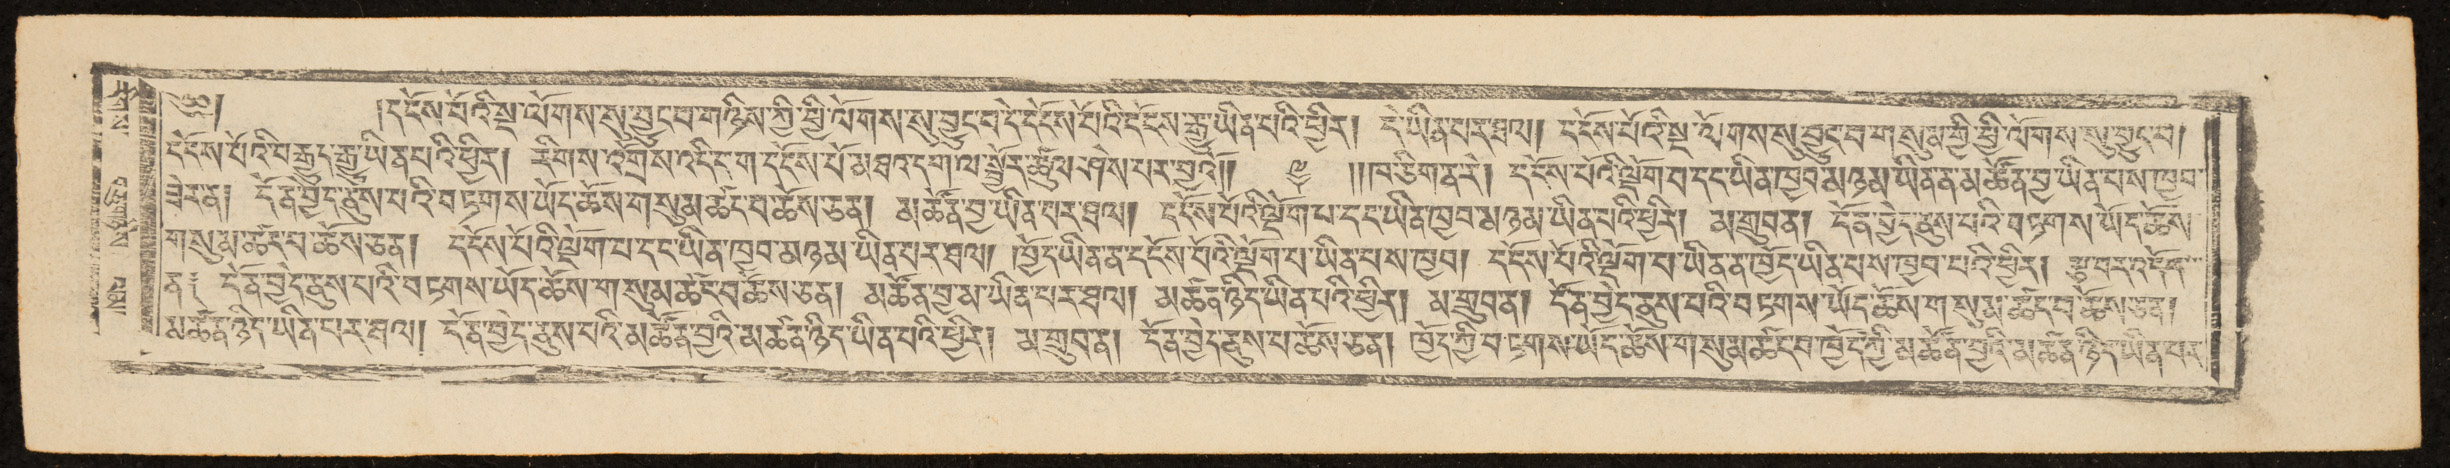༄༅། །དངོས་པོའི་སྔ་ལོགས་སུ་བྱུང་བ་གཉིས་ཀྱི་ཕྱི་ལོགས་སུ་བྱུང་བ་དེ་དངོས་པོའི་དངོས་རྒྱུ་ཡིན་པའི་ཕྱིར། དེ་ཡིན་པར་ཐལ། དངོས་པོའི་སྔ་ལོགས་སུ་བྱུང་བ་གསུམ་གྱི་ཕྱི་ལོགས་སུ་བྱུང་བ།
དངོས་པོའི་བརྒྱུད་རྒྱུ་ཡིན་པའི་ཕྱིར། རིགས་འགྲོས་འདི་དག་དངོས་པོ་མཐའ་དག་ལ་སྦྱོར་ཚུལ་ཤེས་པར་བྱའོ། །ཁ་ཅིག་ན་རེ། དངོས་པོའི་ལྡོག་པ་དང་ཡིན་ཁྱབ་མཉམ་ཡིན་ན་མཚོན་བྱ་ཡིན་པས་ཁྱབ་
ཟེར་ན། དོན་བྱེད་ནུས་པའི་བཏགས་ཡོད་ཆོས་གསུམ་ཚང་བ་ཆོས་ཅན། མཚོན་བྱ་ཡིན་པར་ཐལ། དངོས་པོའི་ལྡོག་པ་དང་ཡིན་ཁྱབ་མཉམ་ཡིན་པའི་ཕྱིར། མ་གྲུབ་ན། དོན་བྱེད་ནུས་པའི་བཏགས་ཡོད་ཆོས་
གསུམ་ཚང་བ་ཆོས་ཅན། དངོས་པོའི་ལྡོག་པ་དང་ཡིན་ཁྱབ་མཉམ་ཡིན་པར་ཐལ། ཁྱོད་ཡིན་ན་དངོས་པོའི་ལྡོག་པ་ཡིན་པས་ཁྱབ། དངོས་པོའི་ལྡོག་པ་ཡིན་ན་ཁྱོད་ཡིན་པས་ཁྱབ་པའི་ཕྱིར། རྩ་བར་འདོད་
ན། དོན་བྱེད་ནུས་པའི་བཏགས་ཡོད་ཆོས་གསུམ་ཚང་བ་ཆོས་ཅན། མཚོན་བྱ་མ་ཡིན་པར་ཐལ། མཚན་ཉིད་ཡིན་པའི་ཕྱིར། མ་གྲུབ་ན། དོན་བྱེད་ནུས་པའི་བཏགས་ཡོད་ཆོས་གསུམ་ཚང་བ་ཆོས་ཅན།
མཚན་ཉིད་ཡིན་པར་ཐལ། དོན་བྱེད་ནུས་པའི་མཚོན་བྱའི་མཚན་ཉིད་ཡིན་པའི་ཕྱིར། མ་གྲུབ་ན། དོན་བྱེད་ནུས་པ་ཆོས་ཅན། ཁྱོད་ཀྱི་བཏགས་ཡོད་ཆོས་གསུམ་ཚང་བ་ཁྱོད་ཀྱི་མཚོན་བྱའི་མཚན་ཉིད་ཡིན་པར་